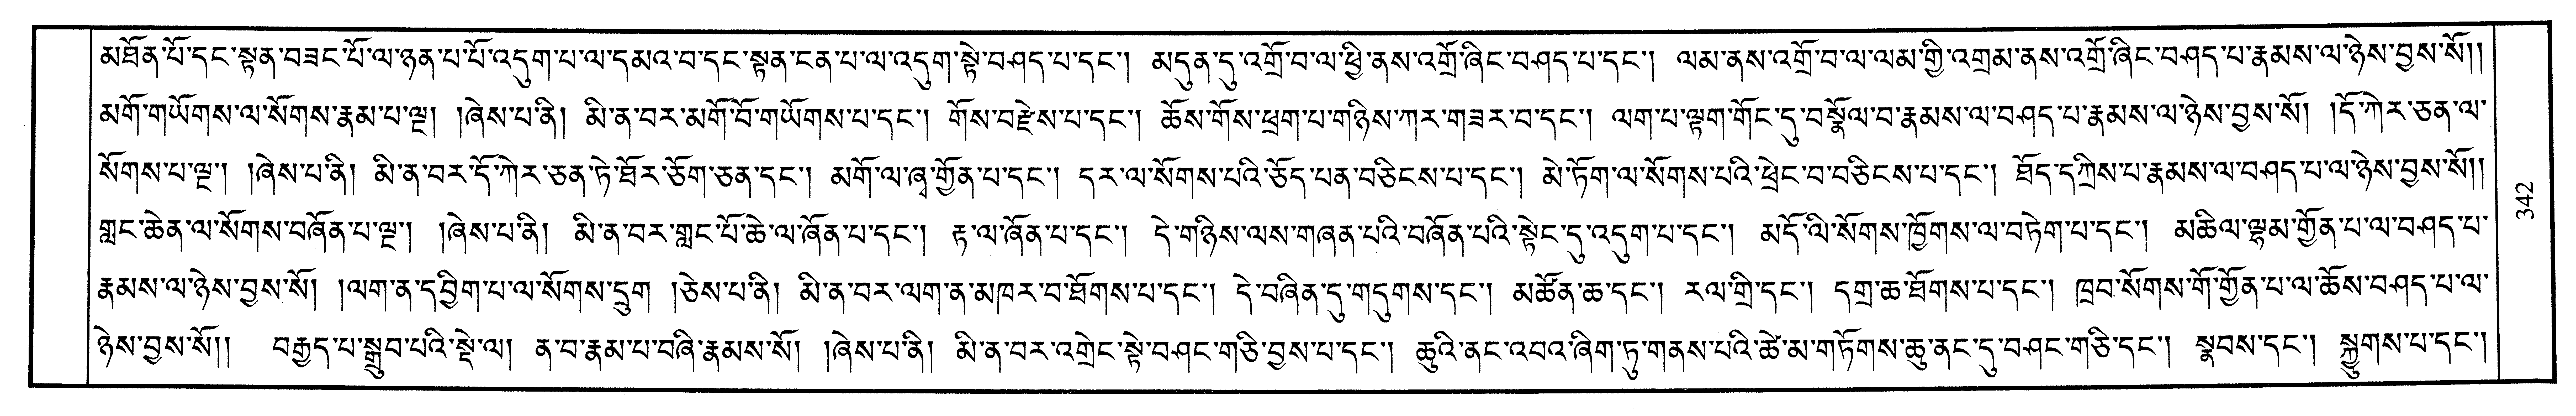མཐོན་པོ་དང་སྟན་བཟང་པོ་ལ་ཉན་པ་པོ་འདུག་པ་ལ་དམའ་བ་དང་སྟན་ངན་པ་ལ་འདུག་སྟེ་བཤད་པ་དང་། མདུན་དུ་འགྲོ་བ་ལ་ཕྱི་ནས་འགྲོ་ཞིང་བཤད་པ་དང་། ལམ་ནས་འགྲོ་བ་ལ་ལམ་གྱི་འགྲམ་ནས་འགྲོ་ཞིང་བཤད་པ་རྣམས་ལ་ཉེས་བྱས་སོ།།
མགོ་གཡོགས་ལ་སོགས་རྣམ་པ་ལྔ། །ཞེས་པ་ནི། མི་ན་བར་མགོ་བོ་གཡོགས་པ་དང་། གོས་བརྫེས་པ་དང་། ཆོས་གོས་ཕྲག་པ་གཉིས་ཀར་གཟར་བ་དང་། ལག་པ་ལྟག་གོང་དུ་བསྣོལ་བ་རྣམས་ལ་བཤད་པ་རྣམས་ལ་ཉེས་བྱས་སོ། །དོ་ཀེར་ཅན་ལ་
སོགས་པ་ལྔ། །ཞེས་པ་ནི། མི་ན་བར་དོ་ཀེར་ཅན་ཏེ་ཐོར་ཅོག་ཅན་དང་། མགོ་ལ་ཞྭ་གྱོན་པ་དང་། དར་ལ་སོགས་པའི་ཅོད་པན་བཅིངས་པ་དང་། མེ་ཏོག་ལ་སོགས་པའི་ཕྲེང་བ་བཅིངས་པ་དང་། ཐོད་དཀྲིས་པ་རྣམས་ལ་བཤད་པ་ལ་ཉེས་བྱས་སོ།།
གླང་ཆེན་ལ་སོགས་བཞོན་པ་ལྔ། །ཞེས་པ་ནི། མི་ན་བར་གླང་པོ་ཆེ་ལ་ཞོན་པ་དང་། རྟ་ལ་ཞོན་པ་དང་། དེ་གཉིས་ལས་གཞན་པའི་བཞོན་པའི་སྟེང་དུ་འདུག་པ་དང་། མདོ་ལི་སོགས་ཁྱོགས་ལ་བཏེག་པ་དང་། མཆིལ་ལྷམ་གྱོན་པ་ལ་བཤད་པ་
རྣམས་ལ་ཉེས་བྱས་སོ། །ལག་ན་དབྱིག་པ་ལ་སོགས་དྲུག །ཅེས་པ་ནི། མི་ན་བར་ལག་ན་མཁར་བ་ཐོགས་པ་དང་། དེ་བཞིན་དུ་གདུགས་དང་། མཚོན་ཆ་དང་། རལ་གྲི་དང་། དགྲ་ཆ་ཐོགས་པ་དང་། ཁྲབ་སོགས་གོ་གྱོན་པ་ལ་ཆོས་བཤད་པ་ལ་
ཉེས་བྱས་སོ།། བརྒྱད་པ་སྒྲུབ་པའི་སྡེ་ལ། ན་བ་རྣམ་པ་བཞི་རྣམས་སོ། །ཞེས་པ་ནི། མི་ན་བར་འགྲེང་སྟེ་བཤང་གཅི་བྱས་པ་དང་། ཆུའི་ནང་འབའ་ཞིག་ཏུ་གནས་པའི་ཚེ་མ་གཏོགས་ཆུ་ནང་དུ་བཤང་གཅི་དང་། སྣབས་དང་། སྐྱུགས་པ་དང་།